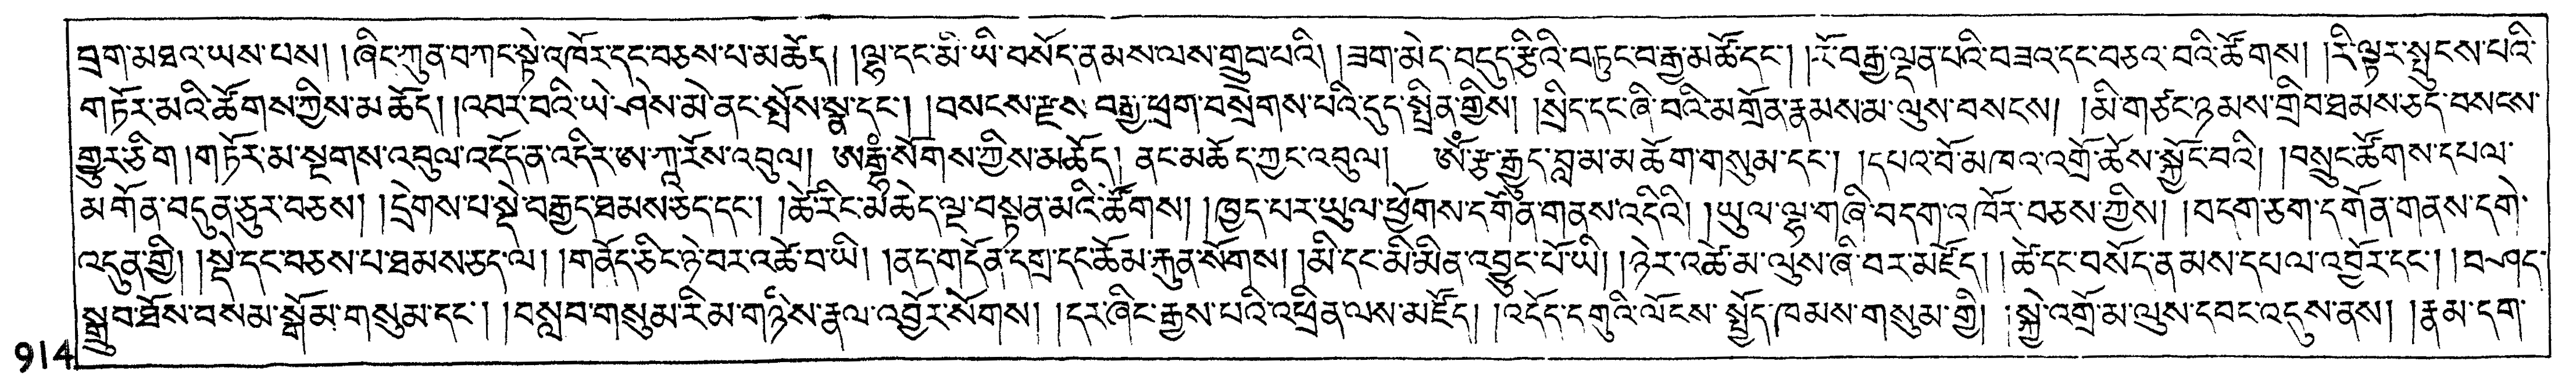བྲག་མཐའ་ཡས་པས། །ཞིང་ཀུན་བཀང་སྟེ་འཁོར་དང་བཅས་པ་མཆོད། །ལྷ་དང་མི་ཡི་བསོད་ནམས་ལས་གྲུབ་པའི། །ཟག་མེད་བདུད་རྩིའི་བཏུང་བ་རྒྱ་མཚོ་དང་། །རོ་བརྒྱ་ལྡན་པའི་བཟའ་དང་བཅའ་བའི་ཚོགས། །རི་ལྟར་སྤུངས་པའི་
གཏོར་མའི་ཚོགས་ཀྱིས་མཆོད། །འབར་བའི་ཡེ་ཤེས་མེ་ནང་སྤོས་སྣ་དང་། །བསངས་རྫས་བརྒྱ་ཕྲག་བསྲེགས་པའི་དུད་སྤྲིན་གྱིས། །སྲིད་དང་ཞི་བའི་མགྲོན་རྣམས་མ་ལུས་བསངས། །མི་གཙང་ཉམས་གྲིབ་ཐམས་ཅད་བསངས་
གྱུར་ཅིག །གཏོར་མ་སྔགས་འབུལ་འདོད་ན་འདིར་ཨ་ཀཱ་རོས་འབུལ། ཨརྒྷཾ་སོགས་ཀྱིས་མཆོད། ནང་མཆོད་ཀྱང་འབུལ། ཨོཾ་རྩ་རྒྱུད་བླ་མ་མཆོག་གསུམ་དང་། །དཔའ་བོ་མཁའ་འགྲོ་ཆོས་སྐྱོང་བའི། །བསྲུང་ཚོགས་དཔལ་
མགོན་བདུན་ཅུར་བཅས། །དྲེགས་པ་སྡེ་བརྒྱད་ཐམས་ཅད་དང་། །ཚེ་རིང་མཆེད་ལྔ་བསྟན་མའི་ཚོགས། །ཁྱད་པར་ཡུལ་ཕྱོགས་དགོན་གནས་འདིའི། །ཡུལ་ལྷ་གཞི་བདག་འཁོར་བཅས་ཀྱིས། །བདག་ཅག་དགོན་གནས་དགེ་
འདུན་གྱི། །སྡེ་དང་བཅས་པ་ཐམས་ཅད་ལ། །གནོད་ཅིང་ཉེ་བར་འཚེ་བ་ཡི། །ནད་གདོན་དགྲ་དང་ཆོམ་རྐུན་སོགས། །མི་དང་མི་མིན་འབྱུང་པོ་ཡི། །ཉེར་འཚེ་མ་ལུས་ཞི་བར་མཛོད། །ཚེ་དང་བསོད་ནམས་དཔལ་འབྱོར་དང་། །བཤད་
སྒྲུབ་ཐོས་བསམ་སྒོམ་གསུམ་དང་། །བསླབ་གསུམ་རིམ་གཉིས་རྣལ་འབྱོར་སོགས། །དར་ཞིང་རྒྱས་པའི་འཕྲིན་ལས་མཛོད། །འདོད་དགུའི་ལོངས་སྤྱོད་ཁམས་གསུམ་གྱི། །སྐྱེ་འགྲོ་མ་ལུས་དབང་འདུས་ནས། །རྣམ་དག་